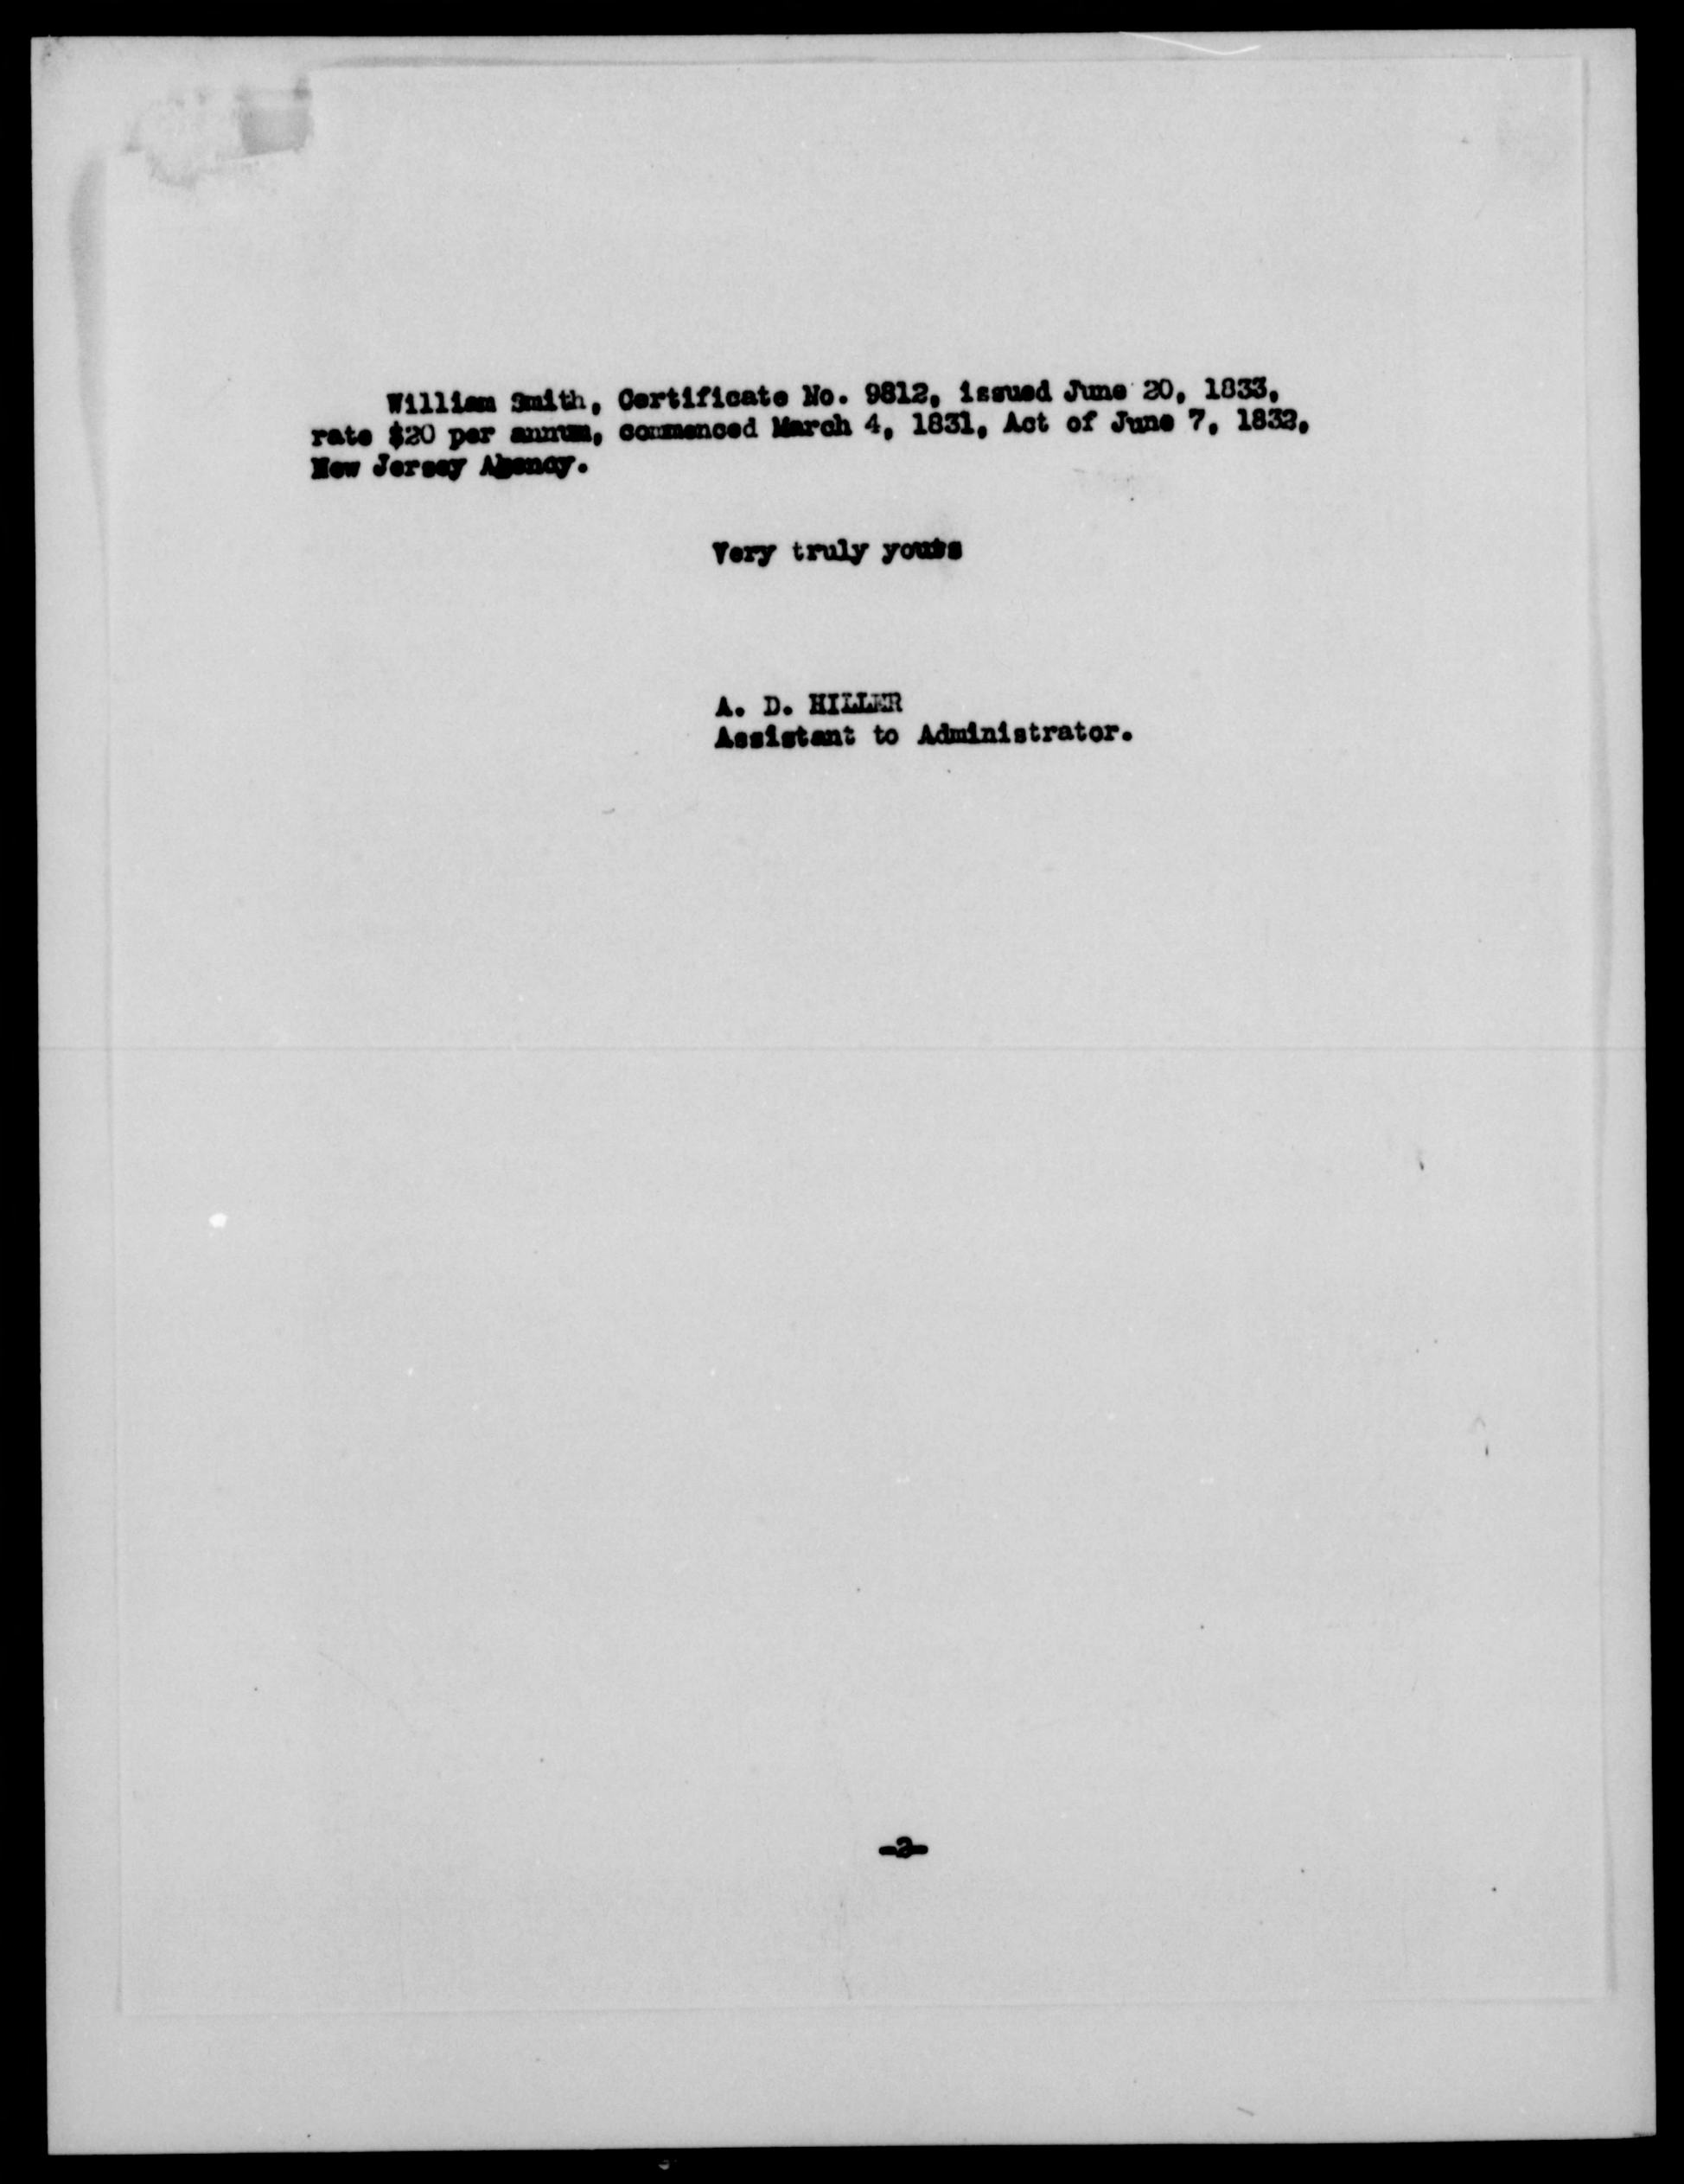William Smith, Certificate No. 9812, issued June 20, 1833,
rate $20 per annum, commenced March 4, 1831, Act of June 7, 1832,
New Jersey Agency.

Very truly yours
A.D. HILLER
Assistant to Administrator.

-2-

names: A D Hiller; William Smith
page: 25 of 27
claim: survivor's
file: S. 915, for William Smith, New Jersey